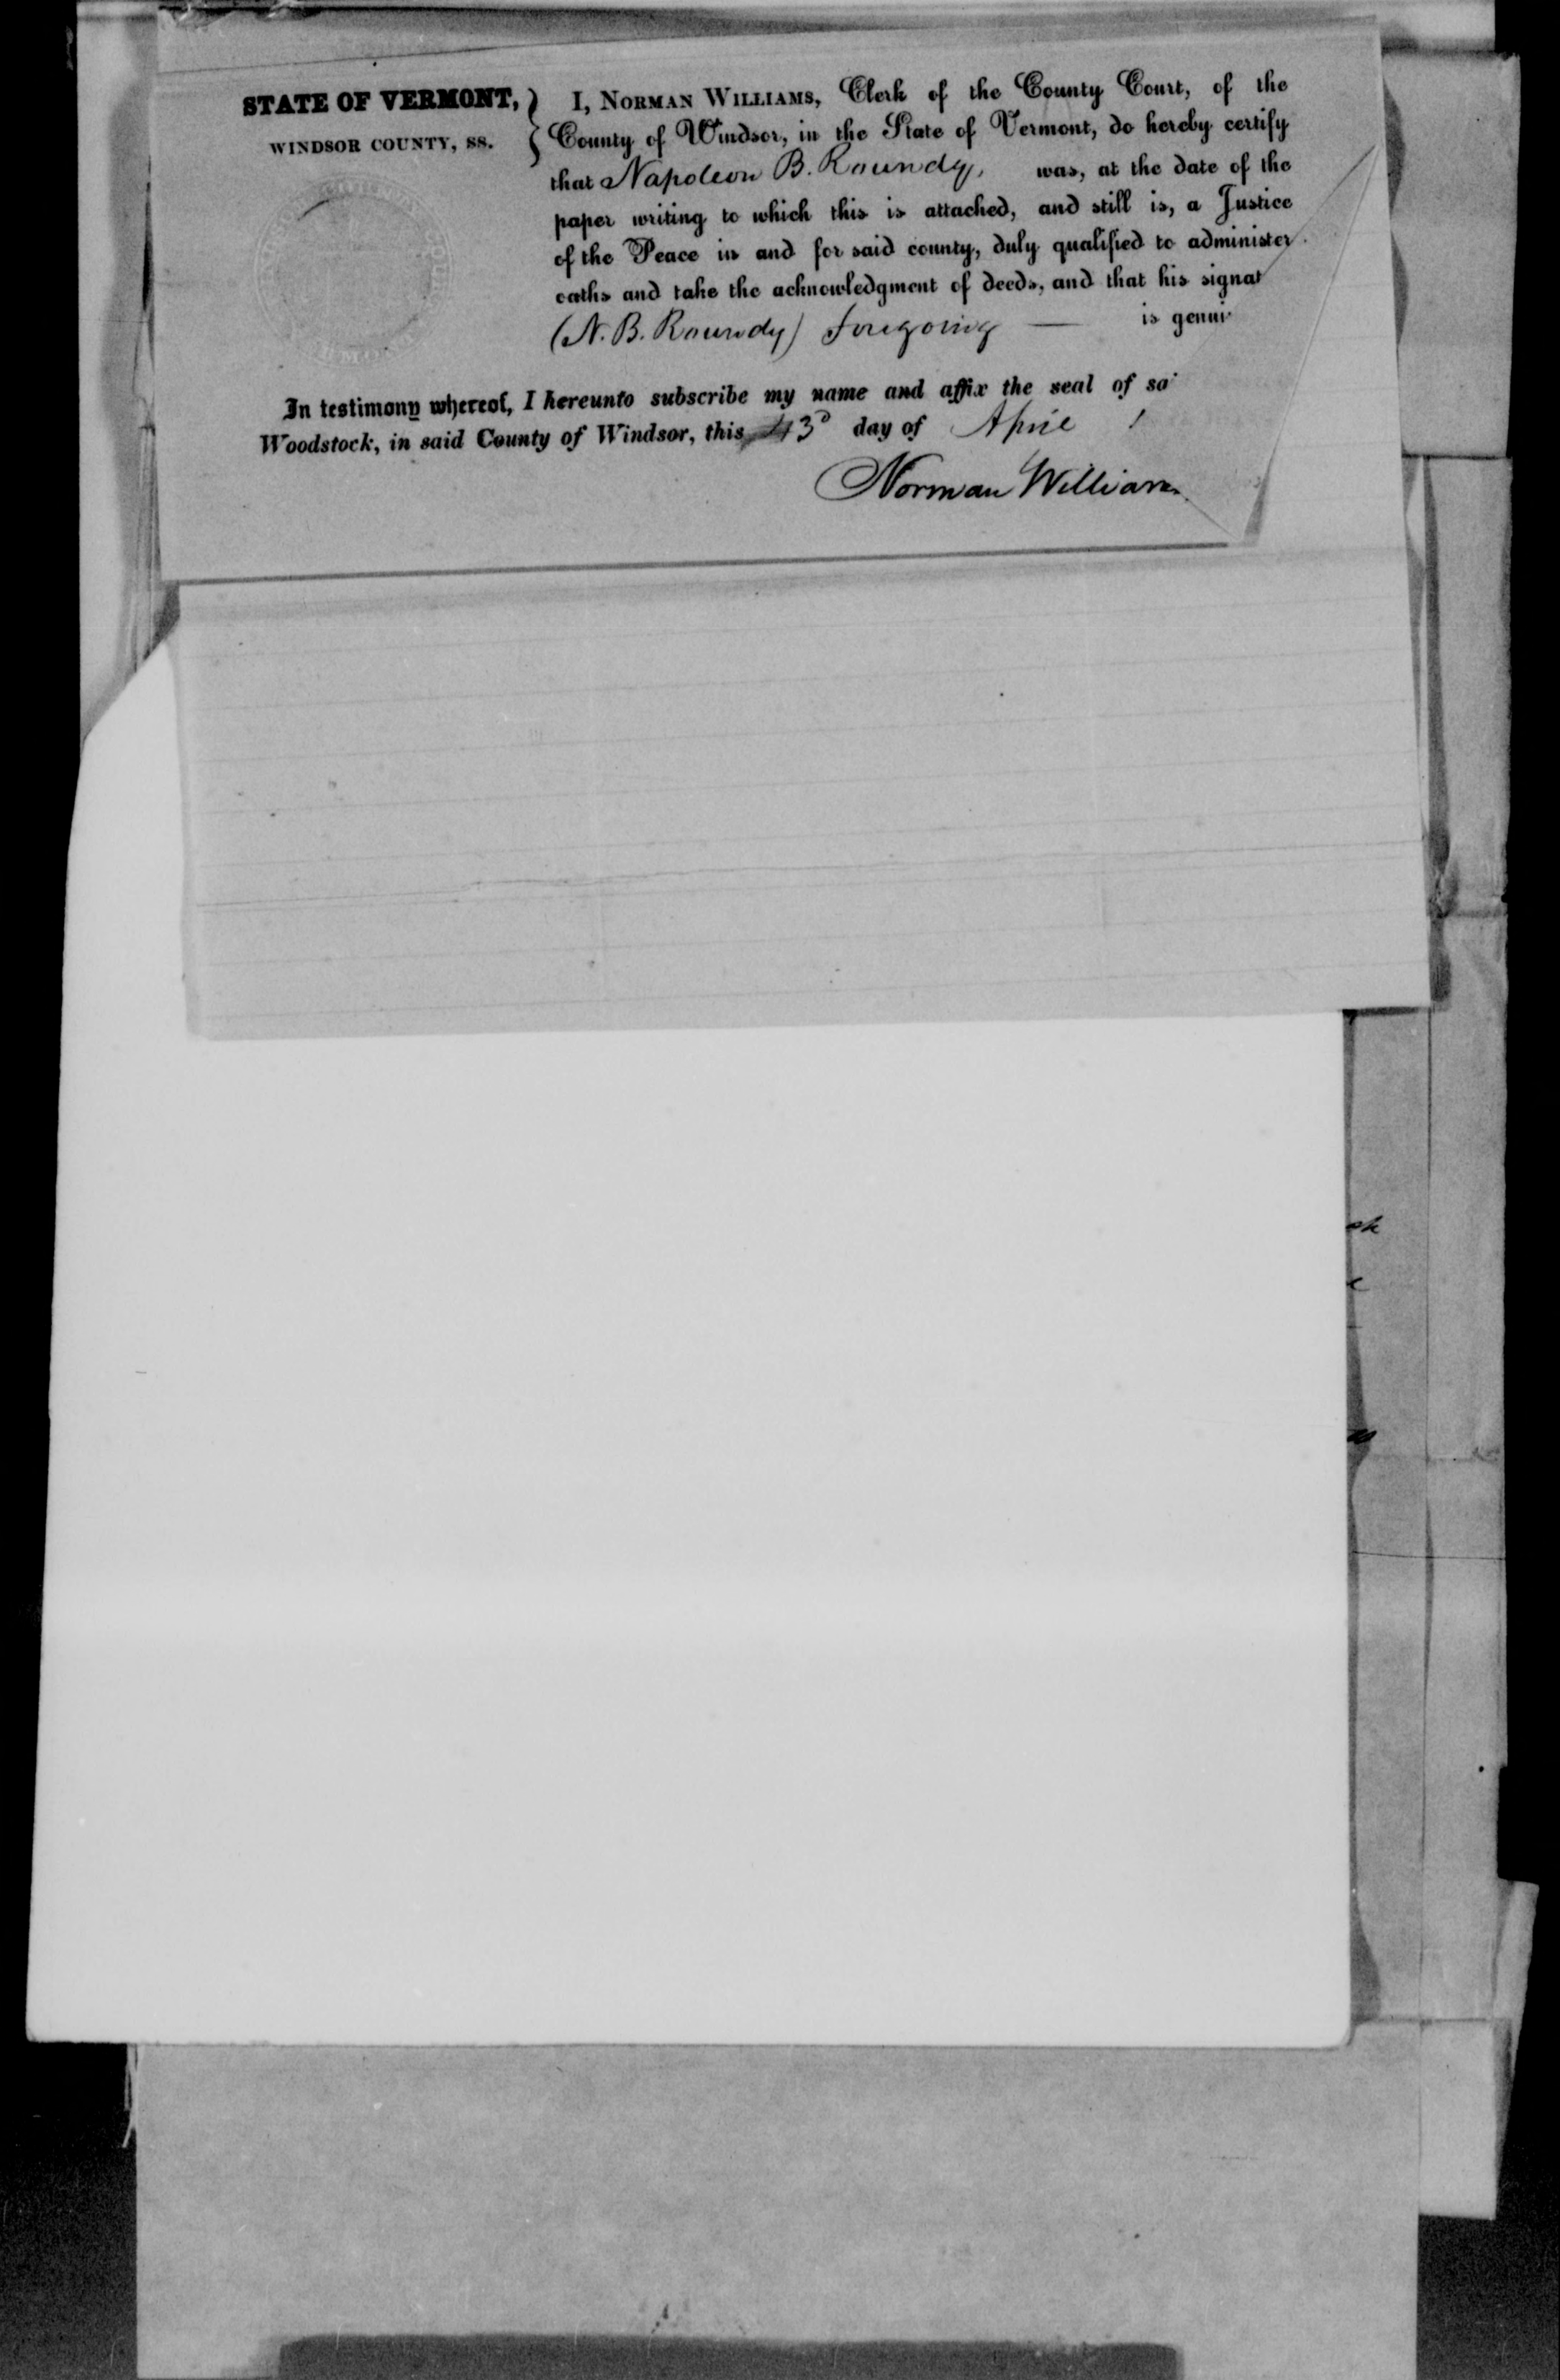State of Vermont
Windsor County, ss.
I, Norman Williams, Clerk of the County Court, of the County of Windsor, in the State of Vermont, do hereby certify that Napoleon B. Roundy was, at the date of the paper writing to which this is attached, and still is, a Justice of the Peace in and for said county, duly qualified to administer oaths and take the acknowledgment of deeds, and that his signature (N.B. Roundy) foregoing is genuine.
In testimony whereof, I hereunto subscribe my name and affix the seal of (paper folded over)
Woodstock, in said County of Windsor, this 3d day of April           [ paper
Norman William    [folded over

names: Norman Williams, Napoleon B Roundy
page: 9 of 66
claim: widow's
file: W. 2468, Amos Wetherbee, Mass.